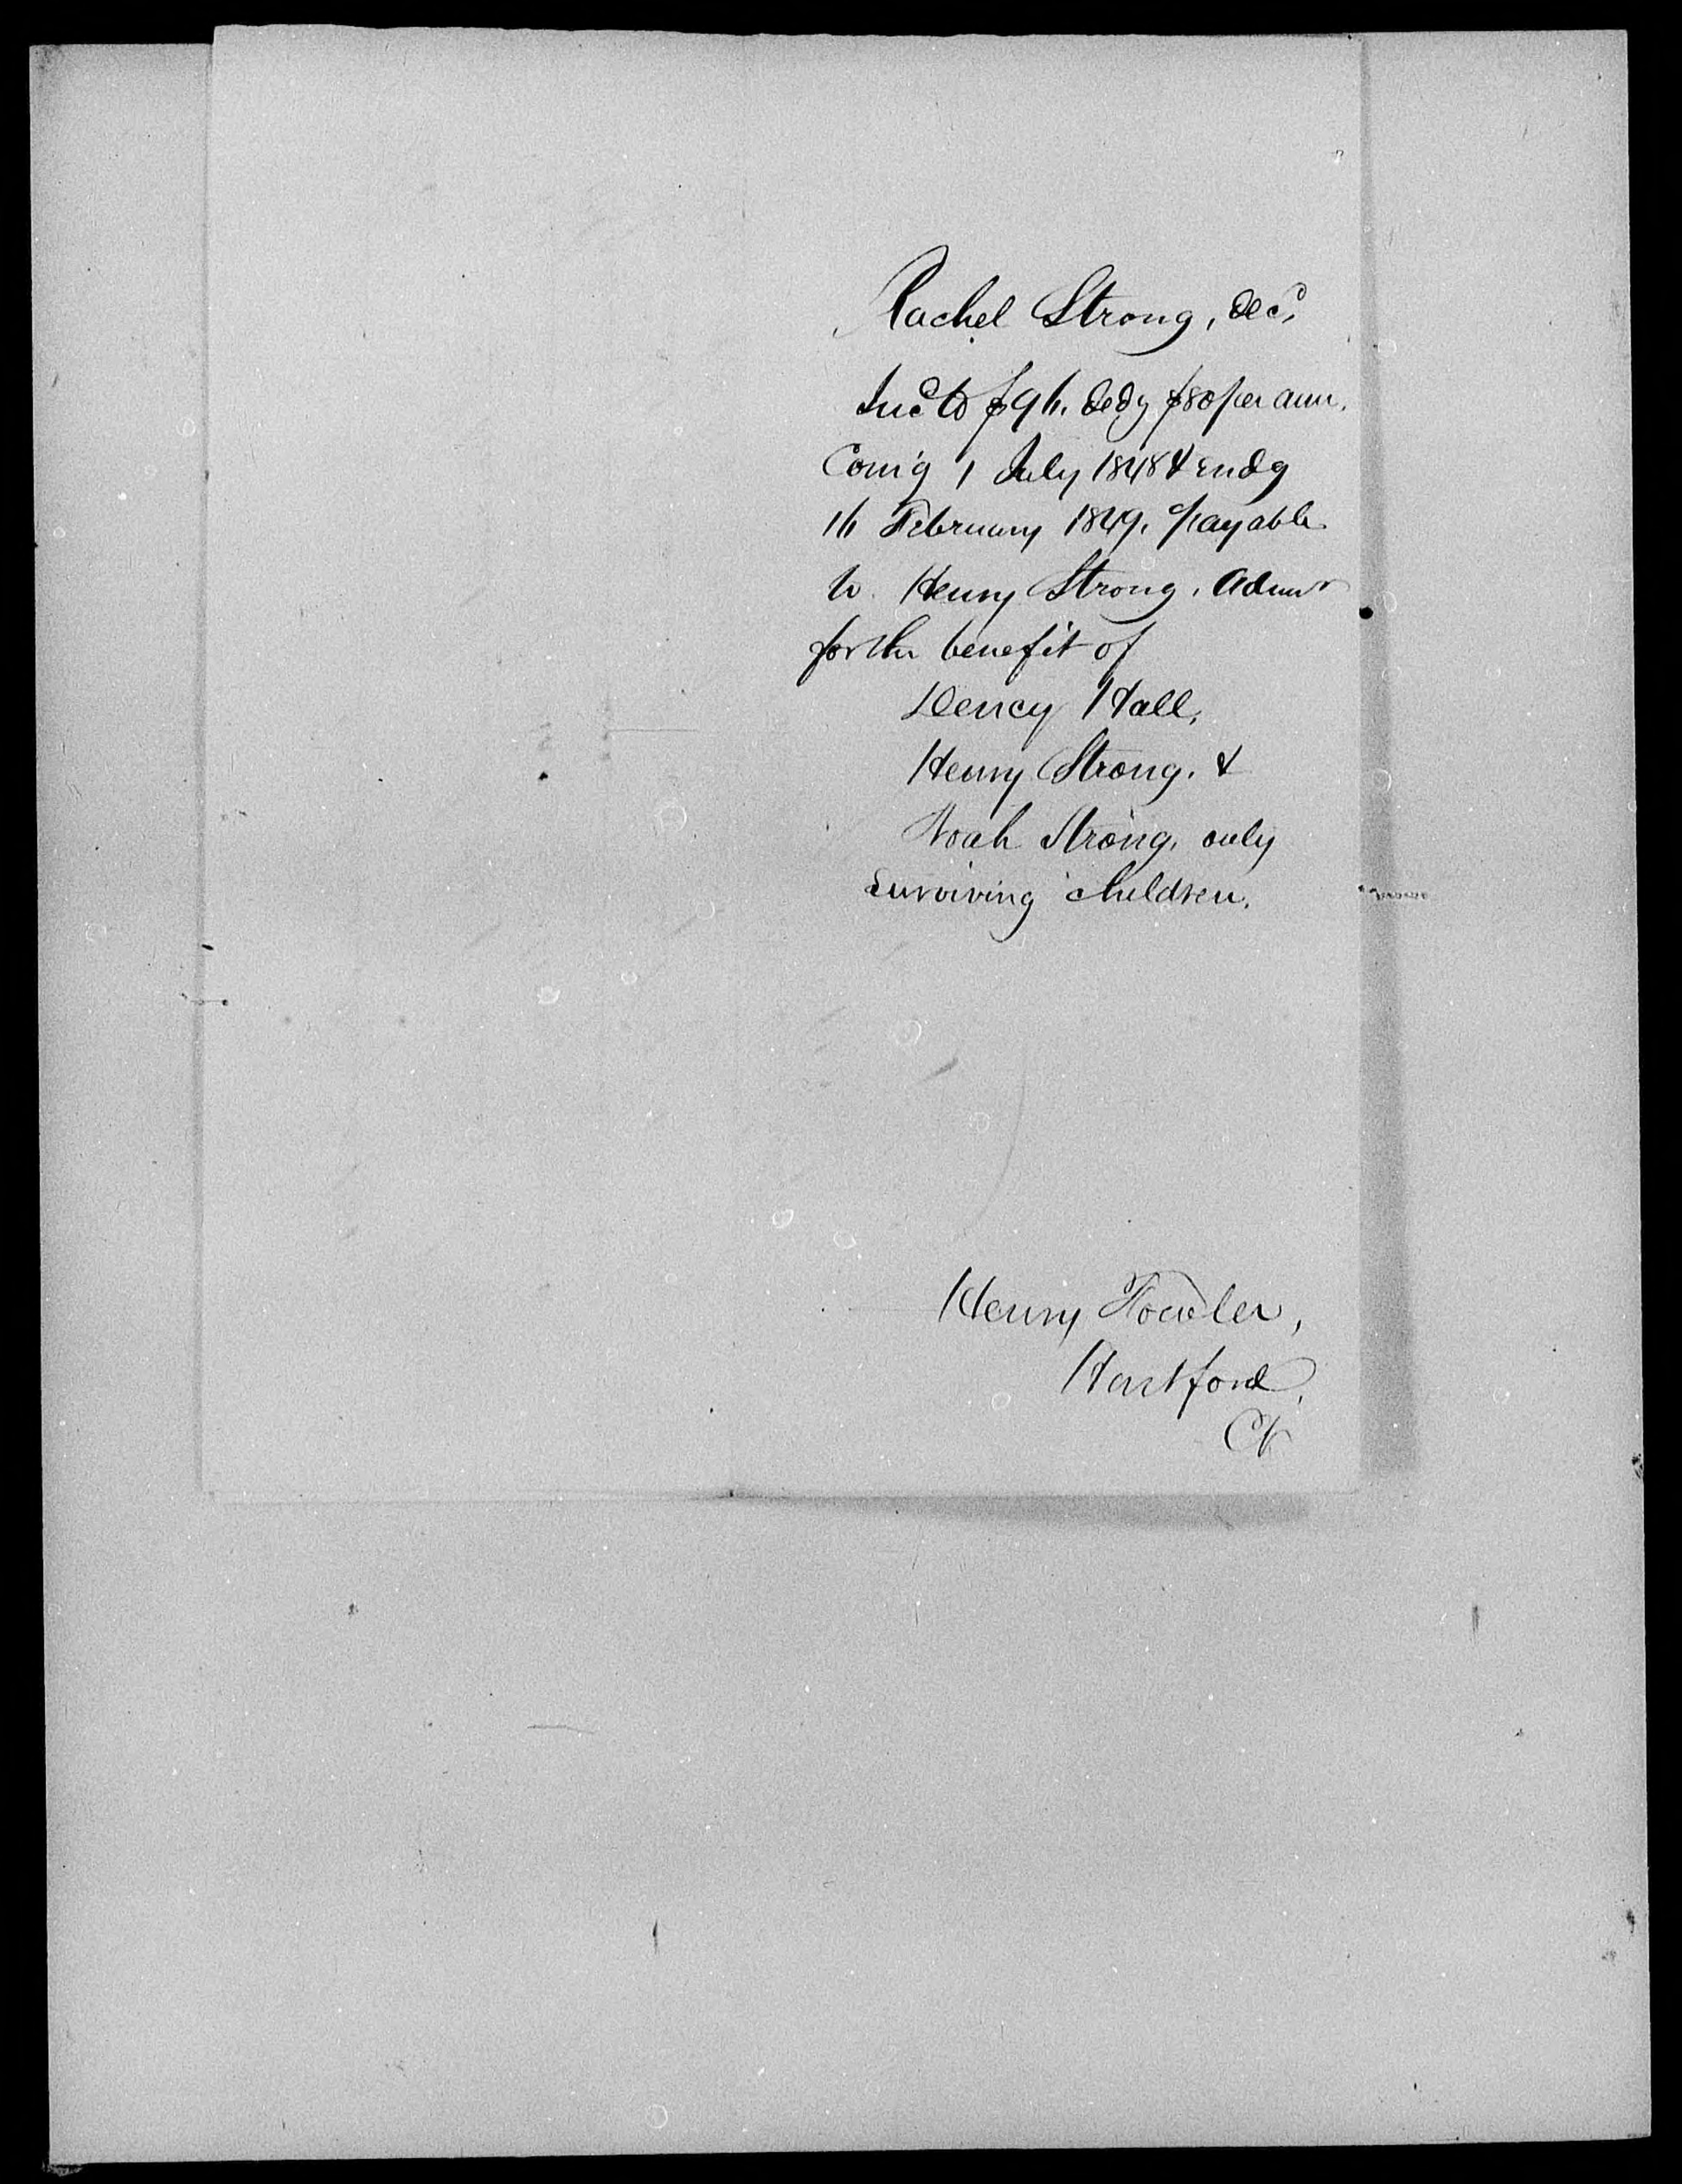Rachel Strong, decd.

Incd to $96. dedg $80 per ann,
Com'g 1 July 1848 & endg
16 February 1849. Payable
to Henry Strong, Adm
for the benefit of
Dency Hall,
Henry Strong, &
Noah Strong, only
surviving children.

Henry Fowler,
Hartford,
Ct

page: 36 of 47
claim: widow's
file: W. 17879, for Seth Strong, Connecticut